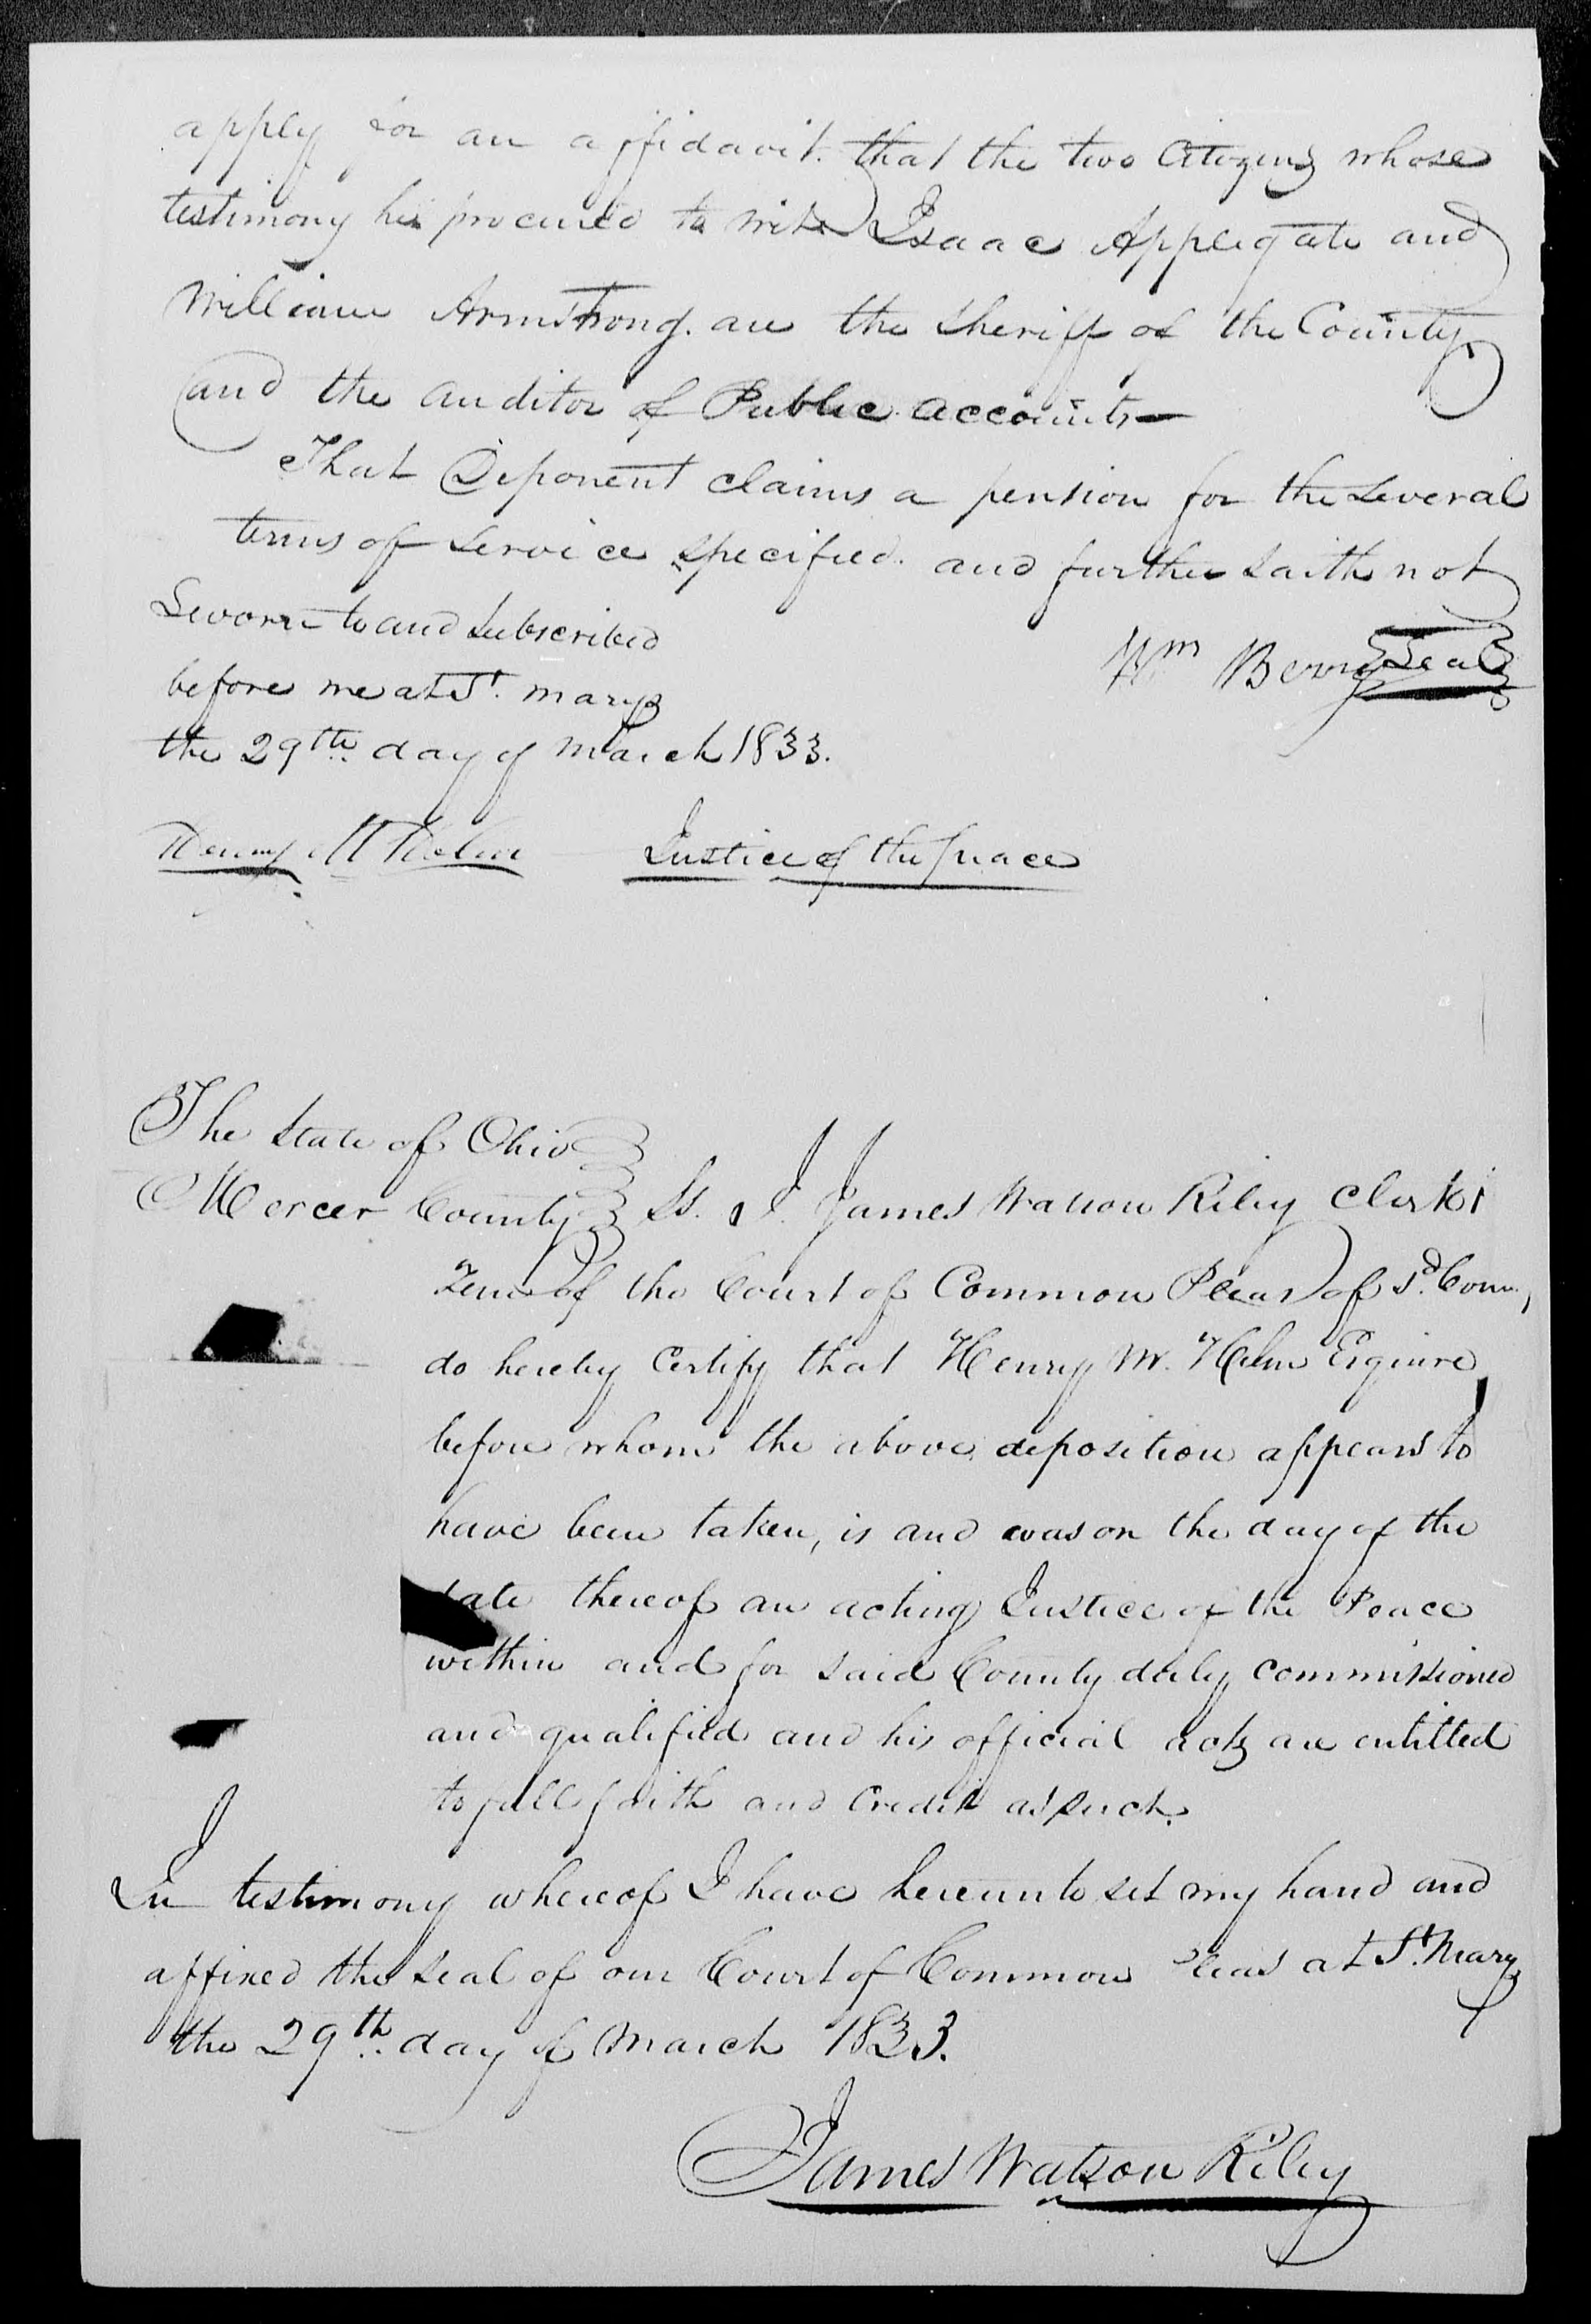apply for an affidavit. that the two citizens whose testimony he procured to wit Isaac Applegate and William Armstrong are the Sheriff of the County and the Auditor of Public Accounts – 
That Deponent claims a pension for the several terms of service specified and further saith not
Sworn to and subscribed before me at St. marys [Marys] the 29th day of march [March] 1833,
Signed] Wm. Berry {Seal}
Henry M Helm Justice of the Peace

The State of Ohio} 
Mercer County} SS I, James Watson Riley Clerk of the Court of Common Pleas of s.d [said] Com. do hereby certify that Henry Helm Esquire, before whom the above disposition appears to have been taken, is and was on the day of the date thereof an acting Justice of the Peace within and for said County duly commissioned and qualified and his official acts are entitled to full faith and credit as such. 
In testimony whereof I have hereunto set my hand and affixed the Seal of our Court of Commons Pleas at St. Marys the 29th day of March 1833 

James Watson Riley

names: James Watson Riley, Isaac Applegate, James Watson Riley, William Armstrong, Wm Berry, Henry M Helm, Henry Whalen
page: 9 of 21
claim: survivor's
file: S. 2,371, William Berry, Va.